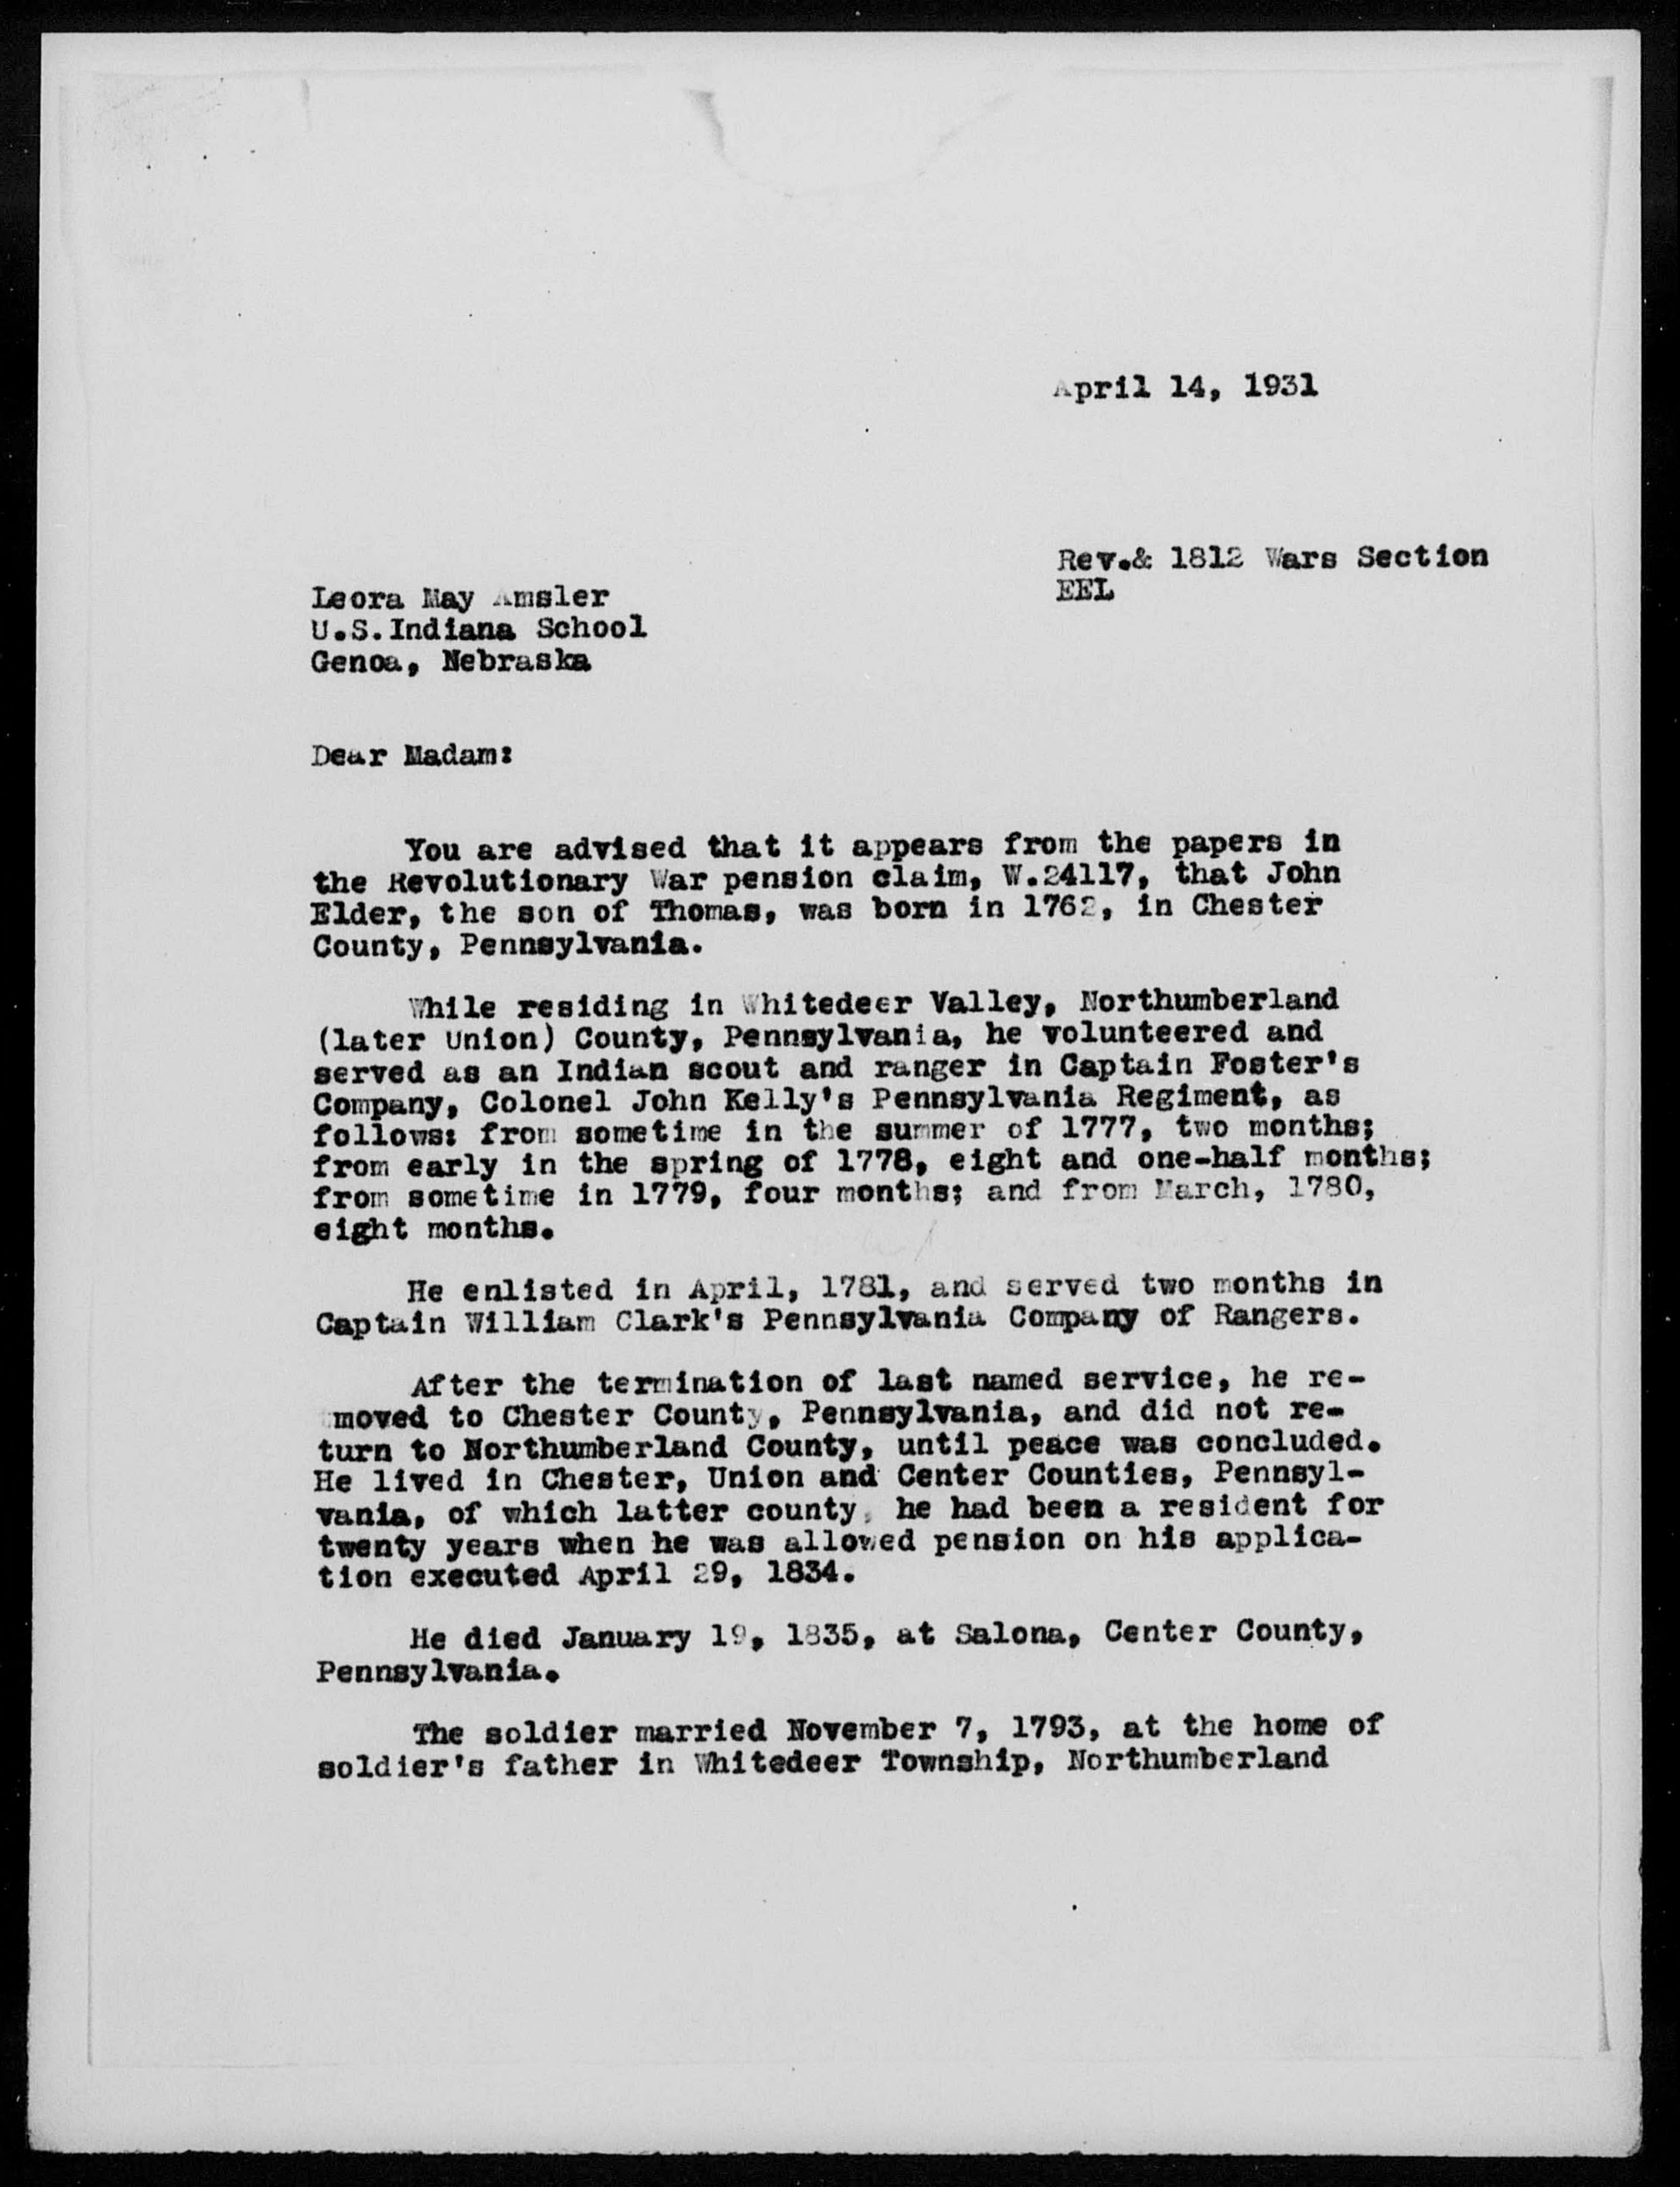April 14, 1931

Rev. & 1812 Wars Section 
EEL

Leora May Amsler
U.S.Indiana School
Genoa, Nebraska

Dear Madam:

You are advised that it appears from the papers in the Revolutionary War pension claim, W.24117, that John Elder, the son of Thomas, was born in 1762, in Chester County, Pennsylvania. 

While residing in Whitedeer Valley, Northumberland (later Union) County, Pennsylvania, he volunteered and served as an Indian scout and ranger in Captain Foster's Company, Colonel John Kelly's Pennsylvania Regiment, as follows: from sometime in the summer of 1777, two months; from early in the spring of 1778, eight and one-half months; from sometime in 1779, four months; and from March, 1780, eight months. 

He enlisted in April, 1781, and served two months in Captain William Clark's Pennsylvania Company of Rangers.

After the termination of last named service, he re-moved to Chester County, Pennsylvania, and did not re-turn to Northumberland County, until peace was concluded. He lived in Chester, Union and Center Counties, Pennsyl-vania, of which latter county, he had been a resident for twenty years when he was allowed pension on his application executed April 29, 1834. 

He died January 19, 1835, at Salona, Center County, Pennsylvania. 

The solider married November 7, 1793, at the home of soldier's father in Whitener Township, Northumberland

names: Thomas, John Elder, Leora May Amsler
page: 62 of 80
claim: widow's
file: W. 24117, John Elder, Penn.